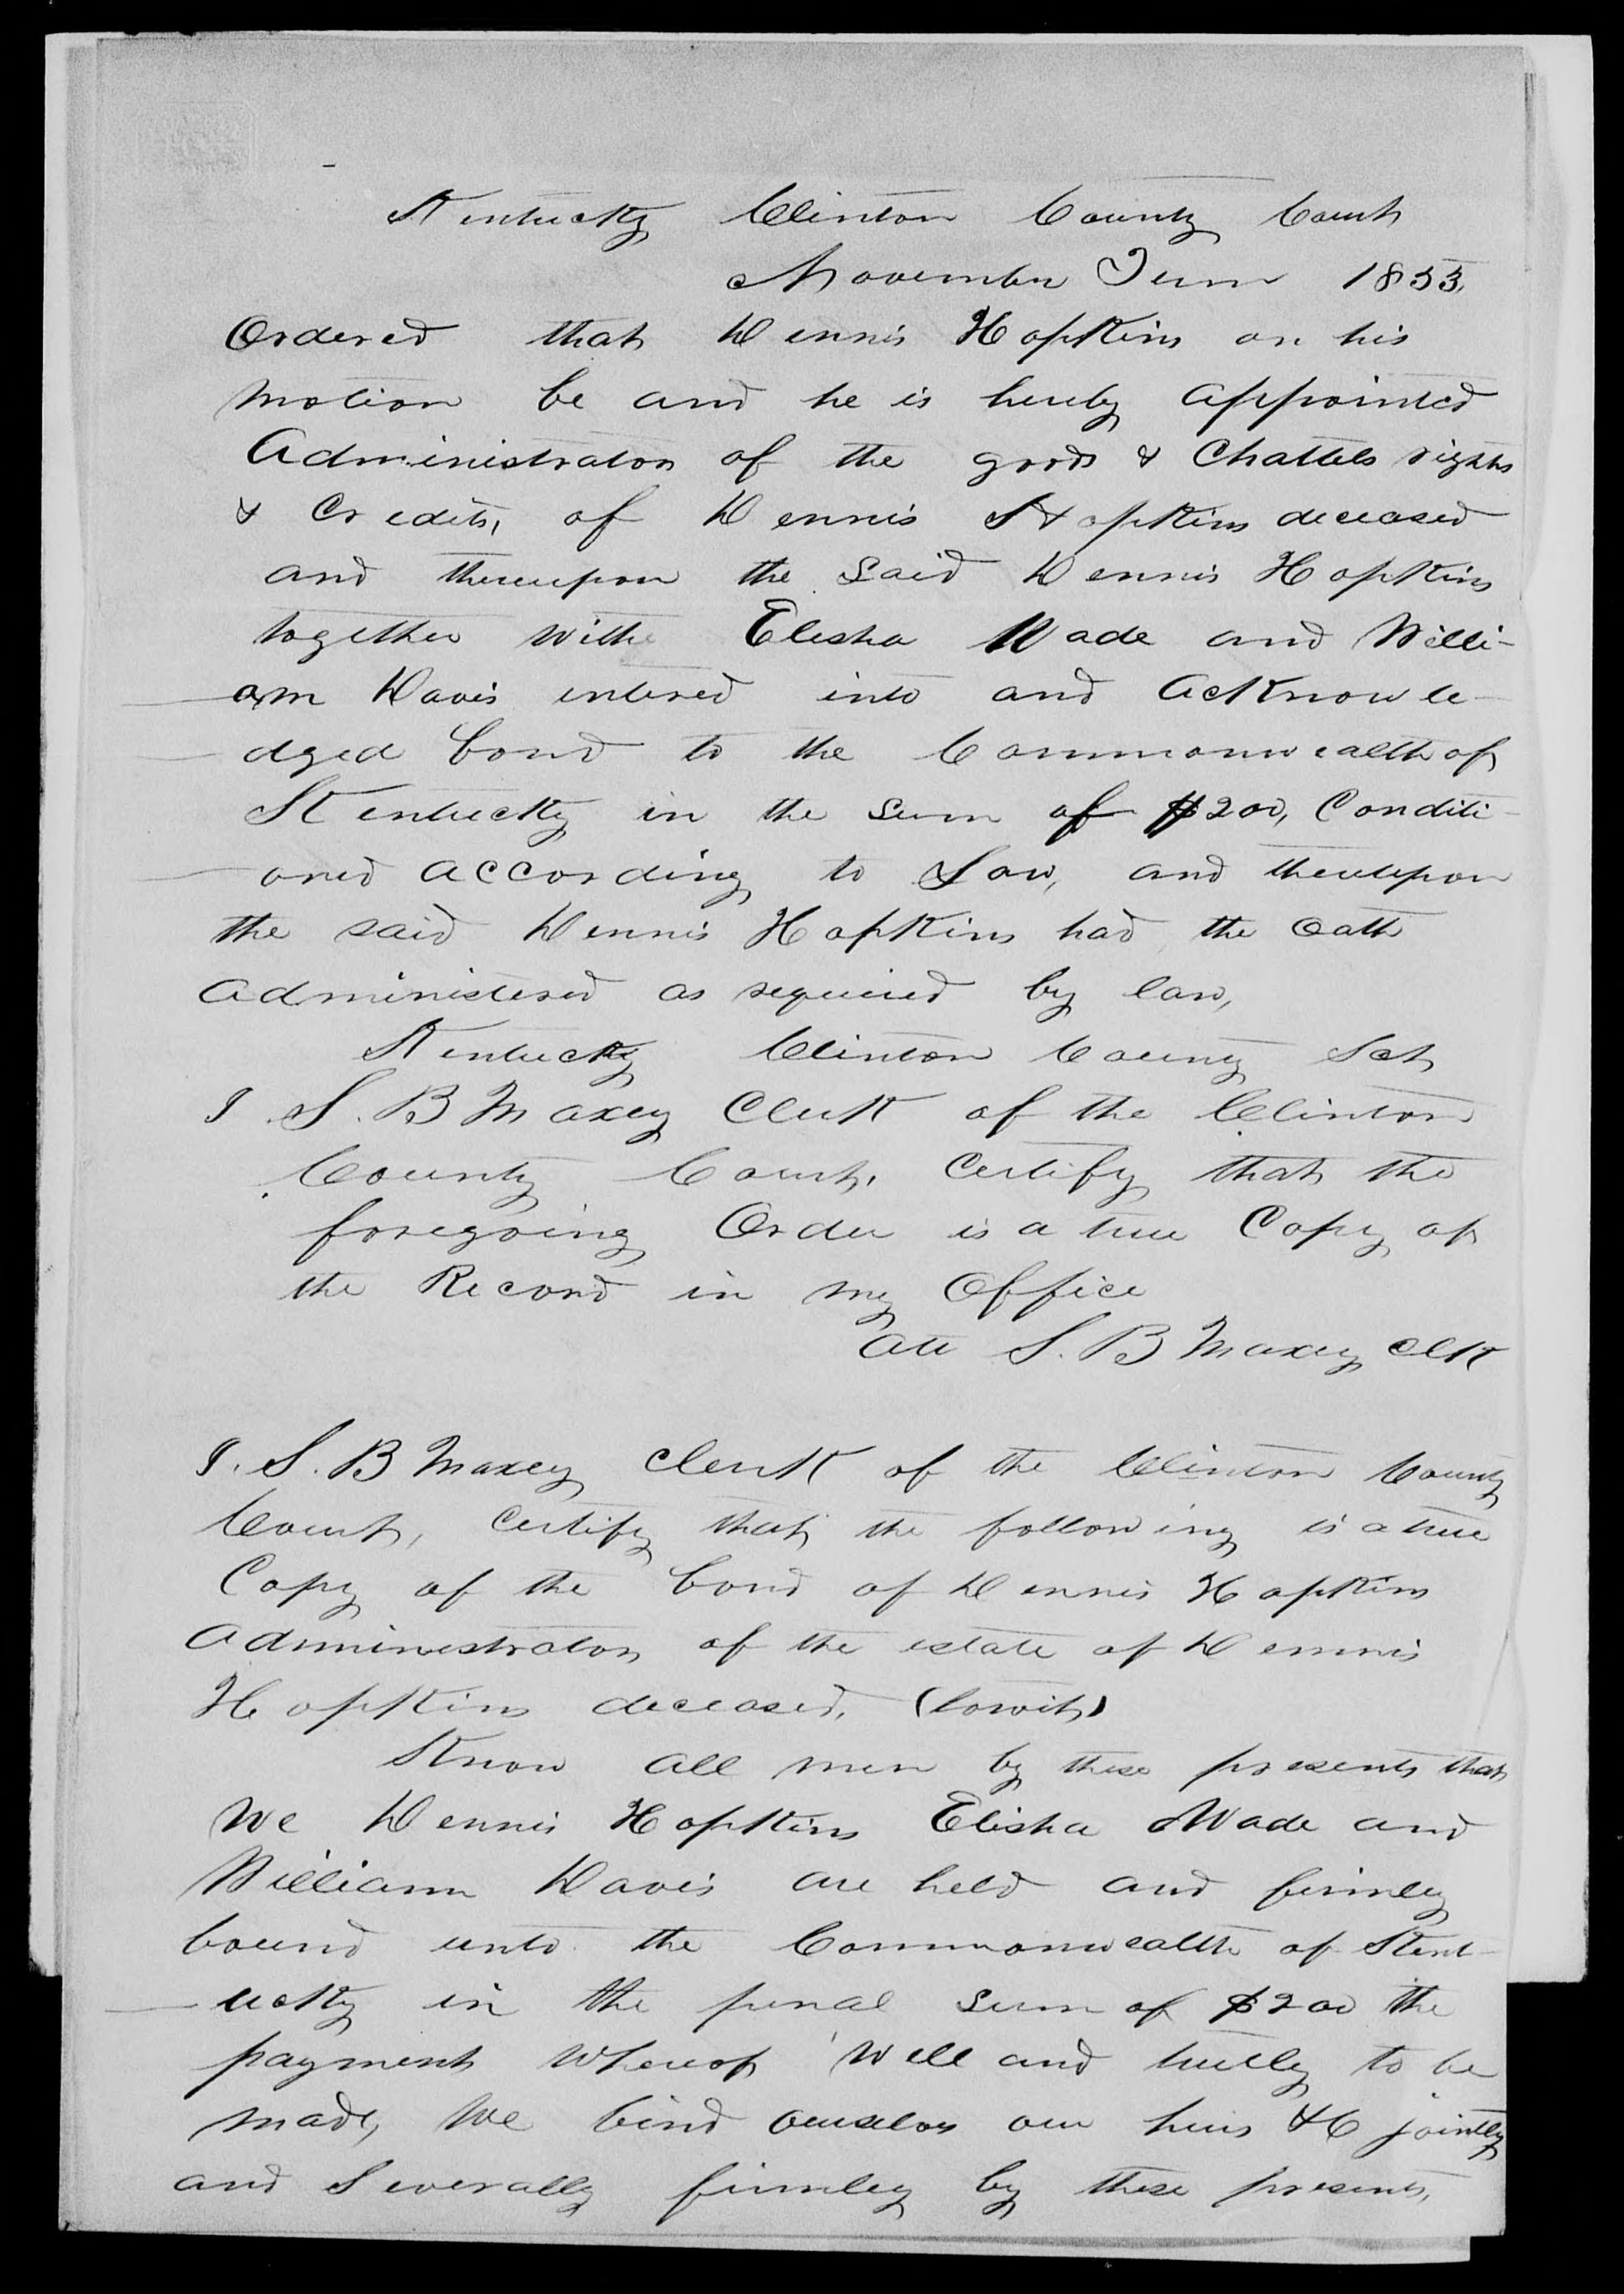Kentucky Clinton County Court
November Term 1853
Ordered that Dennis Hopkins on his motion be and he is hereby appointed Administrator of the goods & chattels rights & credits, of Dennis Hopkins deceased and thereupon the said Dennis Hopkins together with Elisha Wade and William Davis entered into and acknowledged bond to the Commonwealth of Kentucky in the sum of $200, Conditioned and according to Law, and thereupon the said Dennis Hopkins had the oath administered as required by law

Kentucky Clinton County Sct
I S. B Maxey Clerk of the Clinton County Court, certify that the foregoing Order is a true Copy of the Record in my Office
att S.B. Maxey Clk

I J. S. Maxey Clerk of the Clinton County Court, certify that the following is a true Copy of the bond of Dennis Hopkins Administrator of the estate of Dennis Hopkins deceased, (towit) Know all men by these presents that We Dennis Hopkins Elisha Wade and William Davis are held and firmly bound unto the Commonwealth of Kentucky in the final sum of $200 the  payment whereof well and trully to be made, we bind ourselves our heirs & jointly and severally firmly by these presents,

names: S B Maxey, William Davis, Elisha Wade, Dennis Hopkins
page: 25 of 144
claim: rejected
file: R. 5208, Dennis Hopkins, N.C.